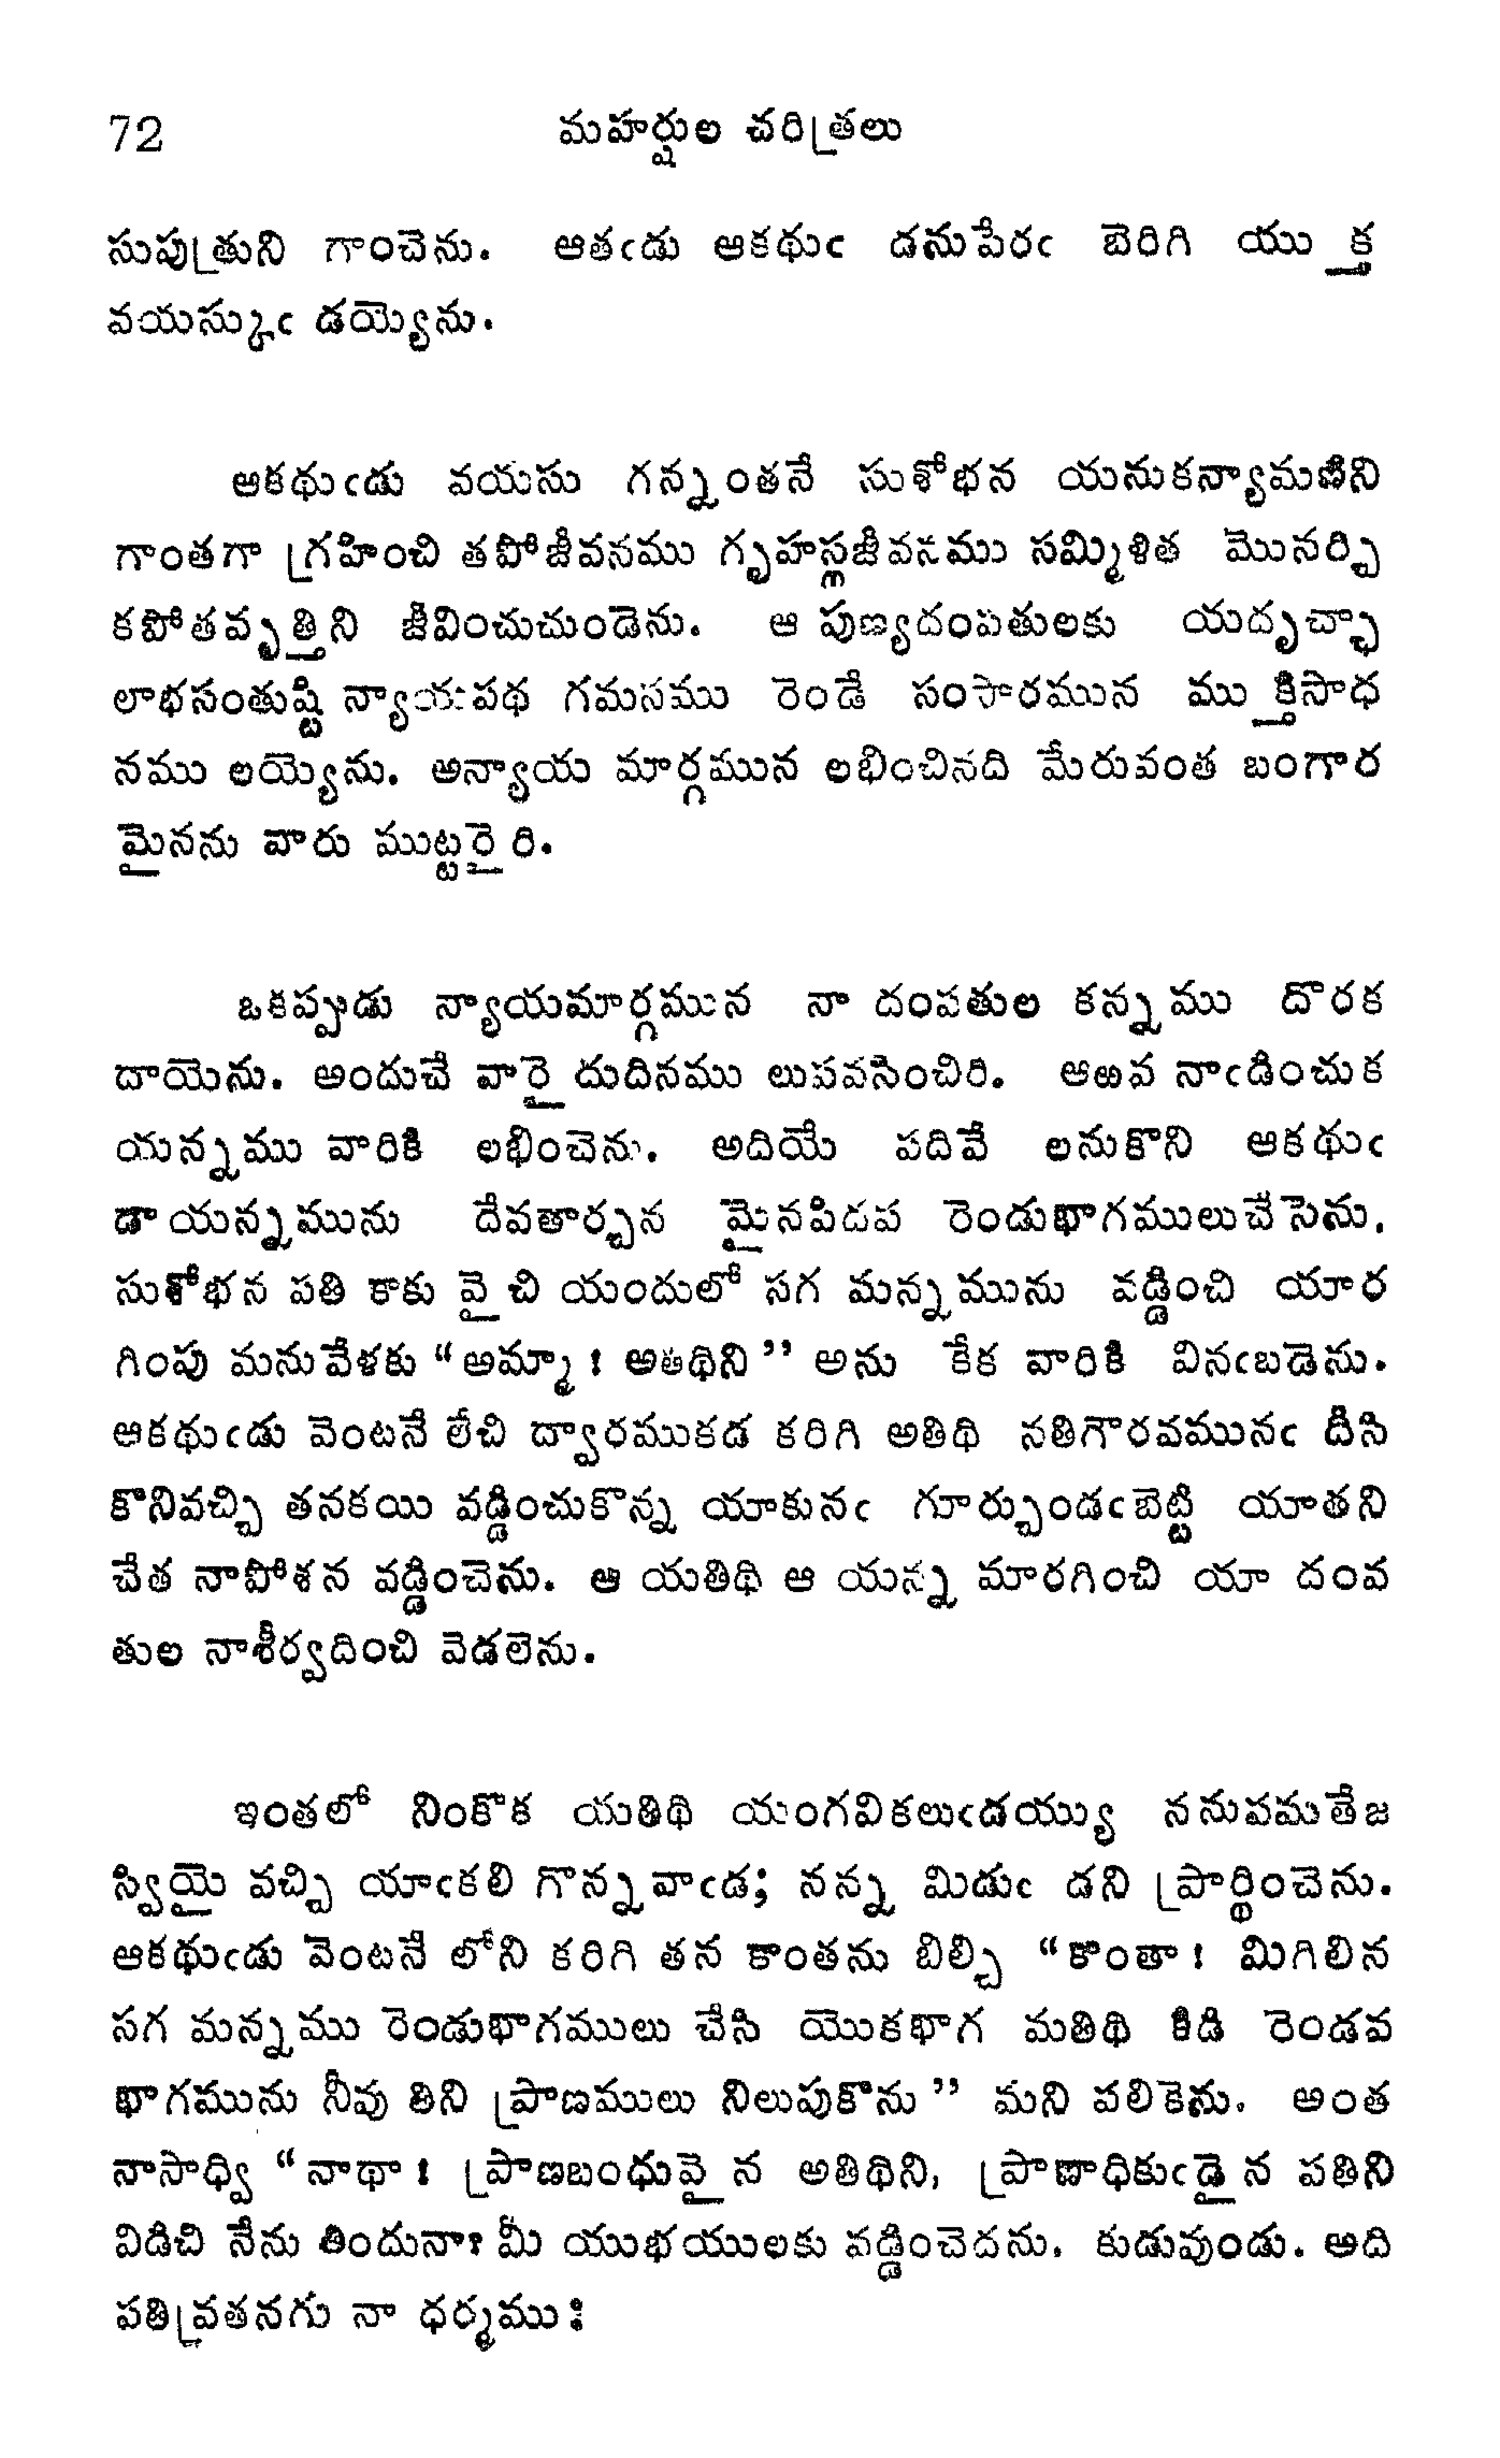సుపుత్రుని గాంచెను. ఆతఁడు ఆకథుఁ డనుపేరఁ బెరిగి యుక్త వయస్కుఁ డయ్యెను.

ఆకథుఁడు వయసు గన్నంతనే సుశోభన యనుకన్యామణిని గాంతగా గ్రహించి తపోజీవనము గృహస్థజీవనము సమ్మిళిత మొనర్చి కపోతవృత్తిని జీవించుచుండెను. ఆ పుణ్యదంపతులకు యదృచ్ఛా లాభసంతుష్టి న్యాయపథ గమనము రెండే సంసారమున ముక్తిసాధనము లయ్యెను. అన్యాయ మార్గమున లభించినది మేరువంత బంగారమైనను వారు ముట్టరైరి.

ఒకప్పుడు న్యాయమార్గమున నా దంపతుల కన్నము దొరకదాయెను. అందుచే వారై దుదినము లుపవసించిరి. ఆఱవ నాఁడించుక యన్నము వారికి లభించెను. అదియే పదివే లసుకొని ఆకథుఁ డాయన్నమును దేవతార్చన మైనపిదప రెండు భాగములుచేసెను. సుశోభన పతి కాకు వైచి యందులో సగ మన్నమును వడ్డించి యారగింపు మను వేళకు "అమ్మా ! అతిథిని " అను కేక వారికి వినఁబడెను. ఆకథుఁడు వెంటనే లేచి ద్వారముకడ కరిగి అతిథి నతిగౌరవమునఁ దీసికొనివచ్చి తనకయి వడ్డించుకొన్న యాకునఁ గూర్చుండఁబెట్టి యాతనిచేత నాపోశన వడ్డించెను. ఆ యతిథి ఆ యన్న మారగించి యా దంవతుల నాశీర్వదించి వెడలెను.

ఇంతలో నింకొక యతిథి యంగవికలుఁడయ్యు ననుపమతేజస్వియై వచ్చి యాఁకలి గొన్న వాఁడ; నన్న మిడుఁ డని ప్రార్థించెను. ఆకథుఁడు వెంటనే లోని కరిగి తన కాంతను బిల్చి “కాంతా ! మిగిలిన సగ మన్నము రెండు భాగములు చేసి యొకభాగ మతిథి కిడి రెండవ భాగమును నీవు తిని ప్రాణములు నిలుపుకొను” మని పలికెను. అంత నాసాధ్వి “నాథా ! ప్రాణబంధువైన అతిథిని, ప్రాణాధికుఁడైన పతిని విడిచి నేను తిందునా? మీ యుభయులకు వడ్డించెదను, కుడువుండు. అది పతివ్రతనగు నా ధర్మము: